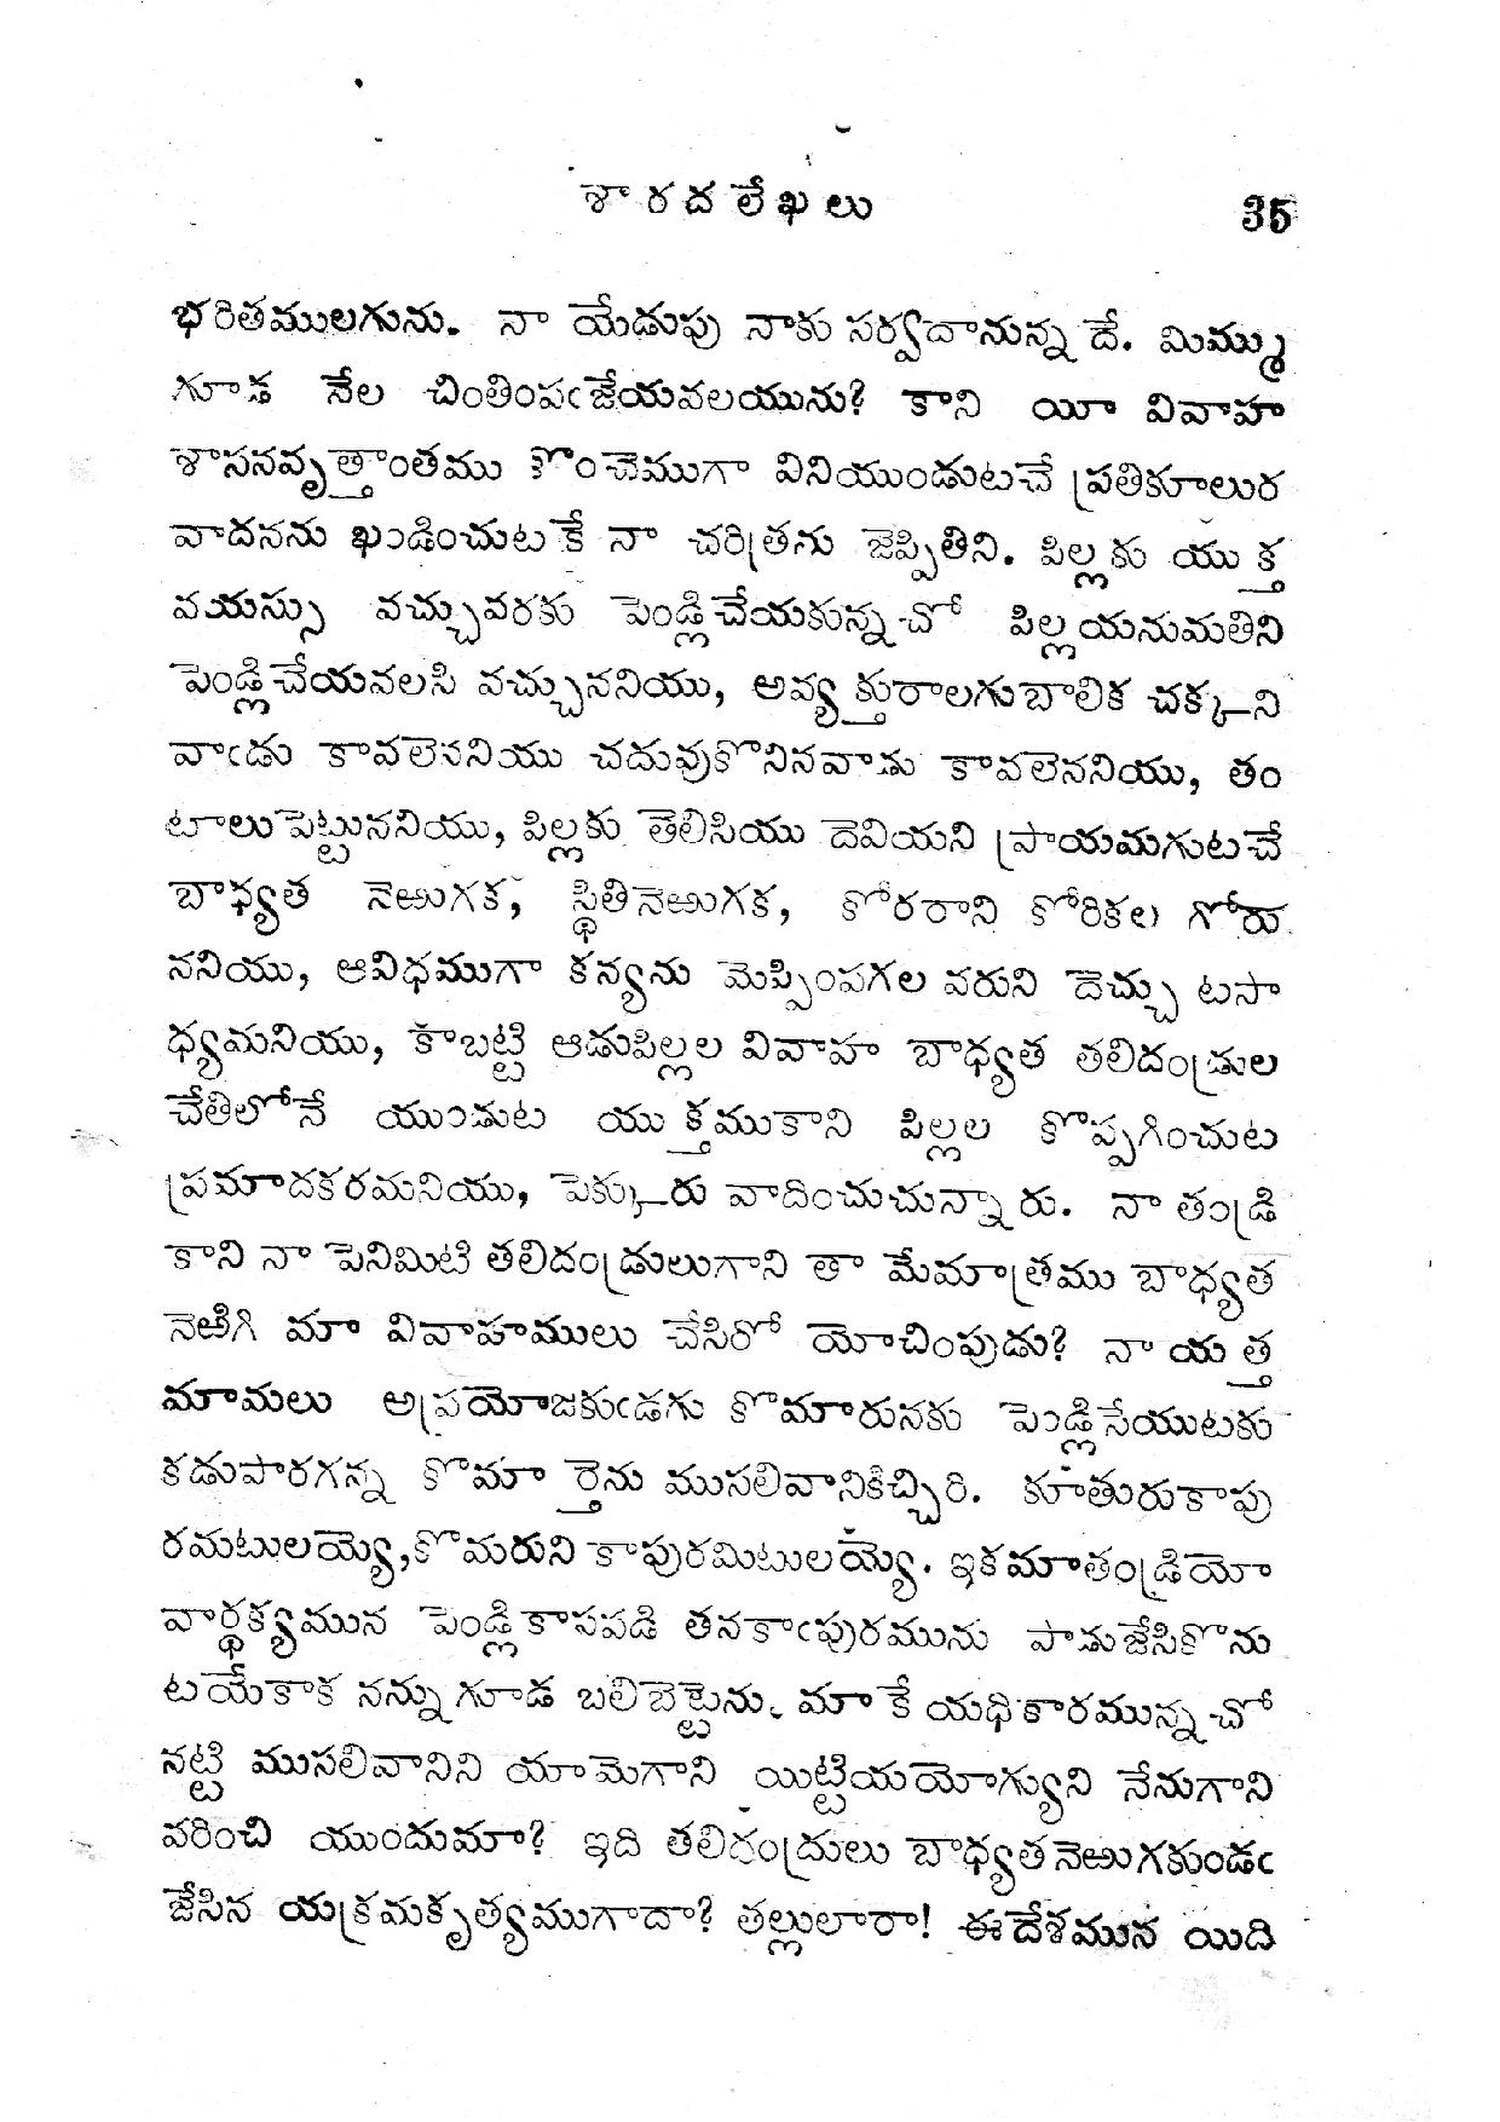భరితములగును. నా యేడుపు నాకు సర్వదానున్నదే. మిమ్ముగూఢ నేల చింతింపఁజేయవలయును? కాని యీ వివాహ శాసనవృత్తాంతము కొంచెముగా వినియుండుటచే ప్రతికూలుర వాదనను ఖండించుటకే నా చరిత్రను జెప్పితిని. పిల్లకు యుక్తవయస్సు వచ్చువరకు పెండ్లిచేయకున్నచో పిల్లయనుమతిని పెండ్లిచేయవలసి వచ్చుననియు, అవ్యక్తురాలగుబాలిక చక్కనివాఁడు కావలెననియు చదువుకొనినవాడు కావలెననియు, తంటాలుపెట్టుననియు, పిల్లకు తెలిసియు దెలియని ప్రాయమగుటచే బాధ్యత నెఱుగక, స్థితినెఱుగక, కోరరాని కోరికల గోరుననియు, ఆవిధముగా కన్యను మెప్పింపగల వరుని దెచ్చు టసాధ్యమనియు, కాబట్టి ఆడుపిల్లల వివాహ బాధ్యత తలిదండ్రుల చేతిలోనే యుండుట యుక్తముకాని పిల్లల కొప్పగించుట
ప్రమాదకరమనియు, పెక్కురు వాదించుచున్నారు. నా తండ్రికాని నా పెనిమిటి తలిదండ్రులుగాని తా మేమాత్రము బాధ్యత నెఱిగి మా వివాహములు చేసిరో యోచింపుడు? నా యత్త మామలు అప్రయోజకుఁడగు కొమారునకు పెండ్లిసేయుటకు కడుపారగన్న కొమార్తెను ముసలివానికిచ్చిరి. కూతురుకాపురమటులయ్యె, కొమరుని కాపురమిటులయ్యె. ఇక మాతండ్రియో వార్థక్యమున పెండ్లి కాసపడి తనకాఁపురమును పాడుజేసికొనుటయేకాక నన్నుగూడ బలిబెట్టెను. మాకే యధికారమున్నచో నట్టి ముసలివానిని యామెగాని యిట్టియయోగ్యుని నేనుగాని వరించి యుందుమా? ఇది తలిదండ్రులు బాధ్యత నెఱుగకుండఁ జేసిన యక్రమకృత్యముగాదా? తల్లులారా! ఈదేశమున యిది